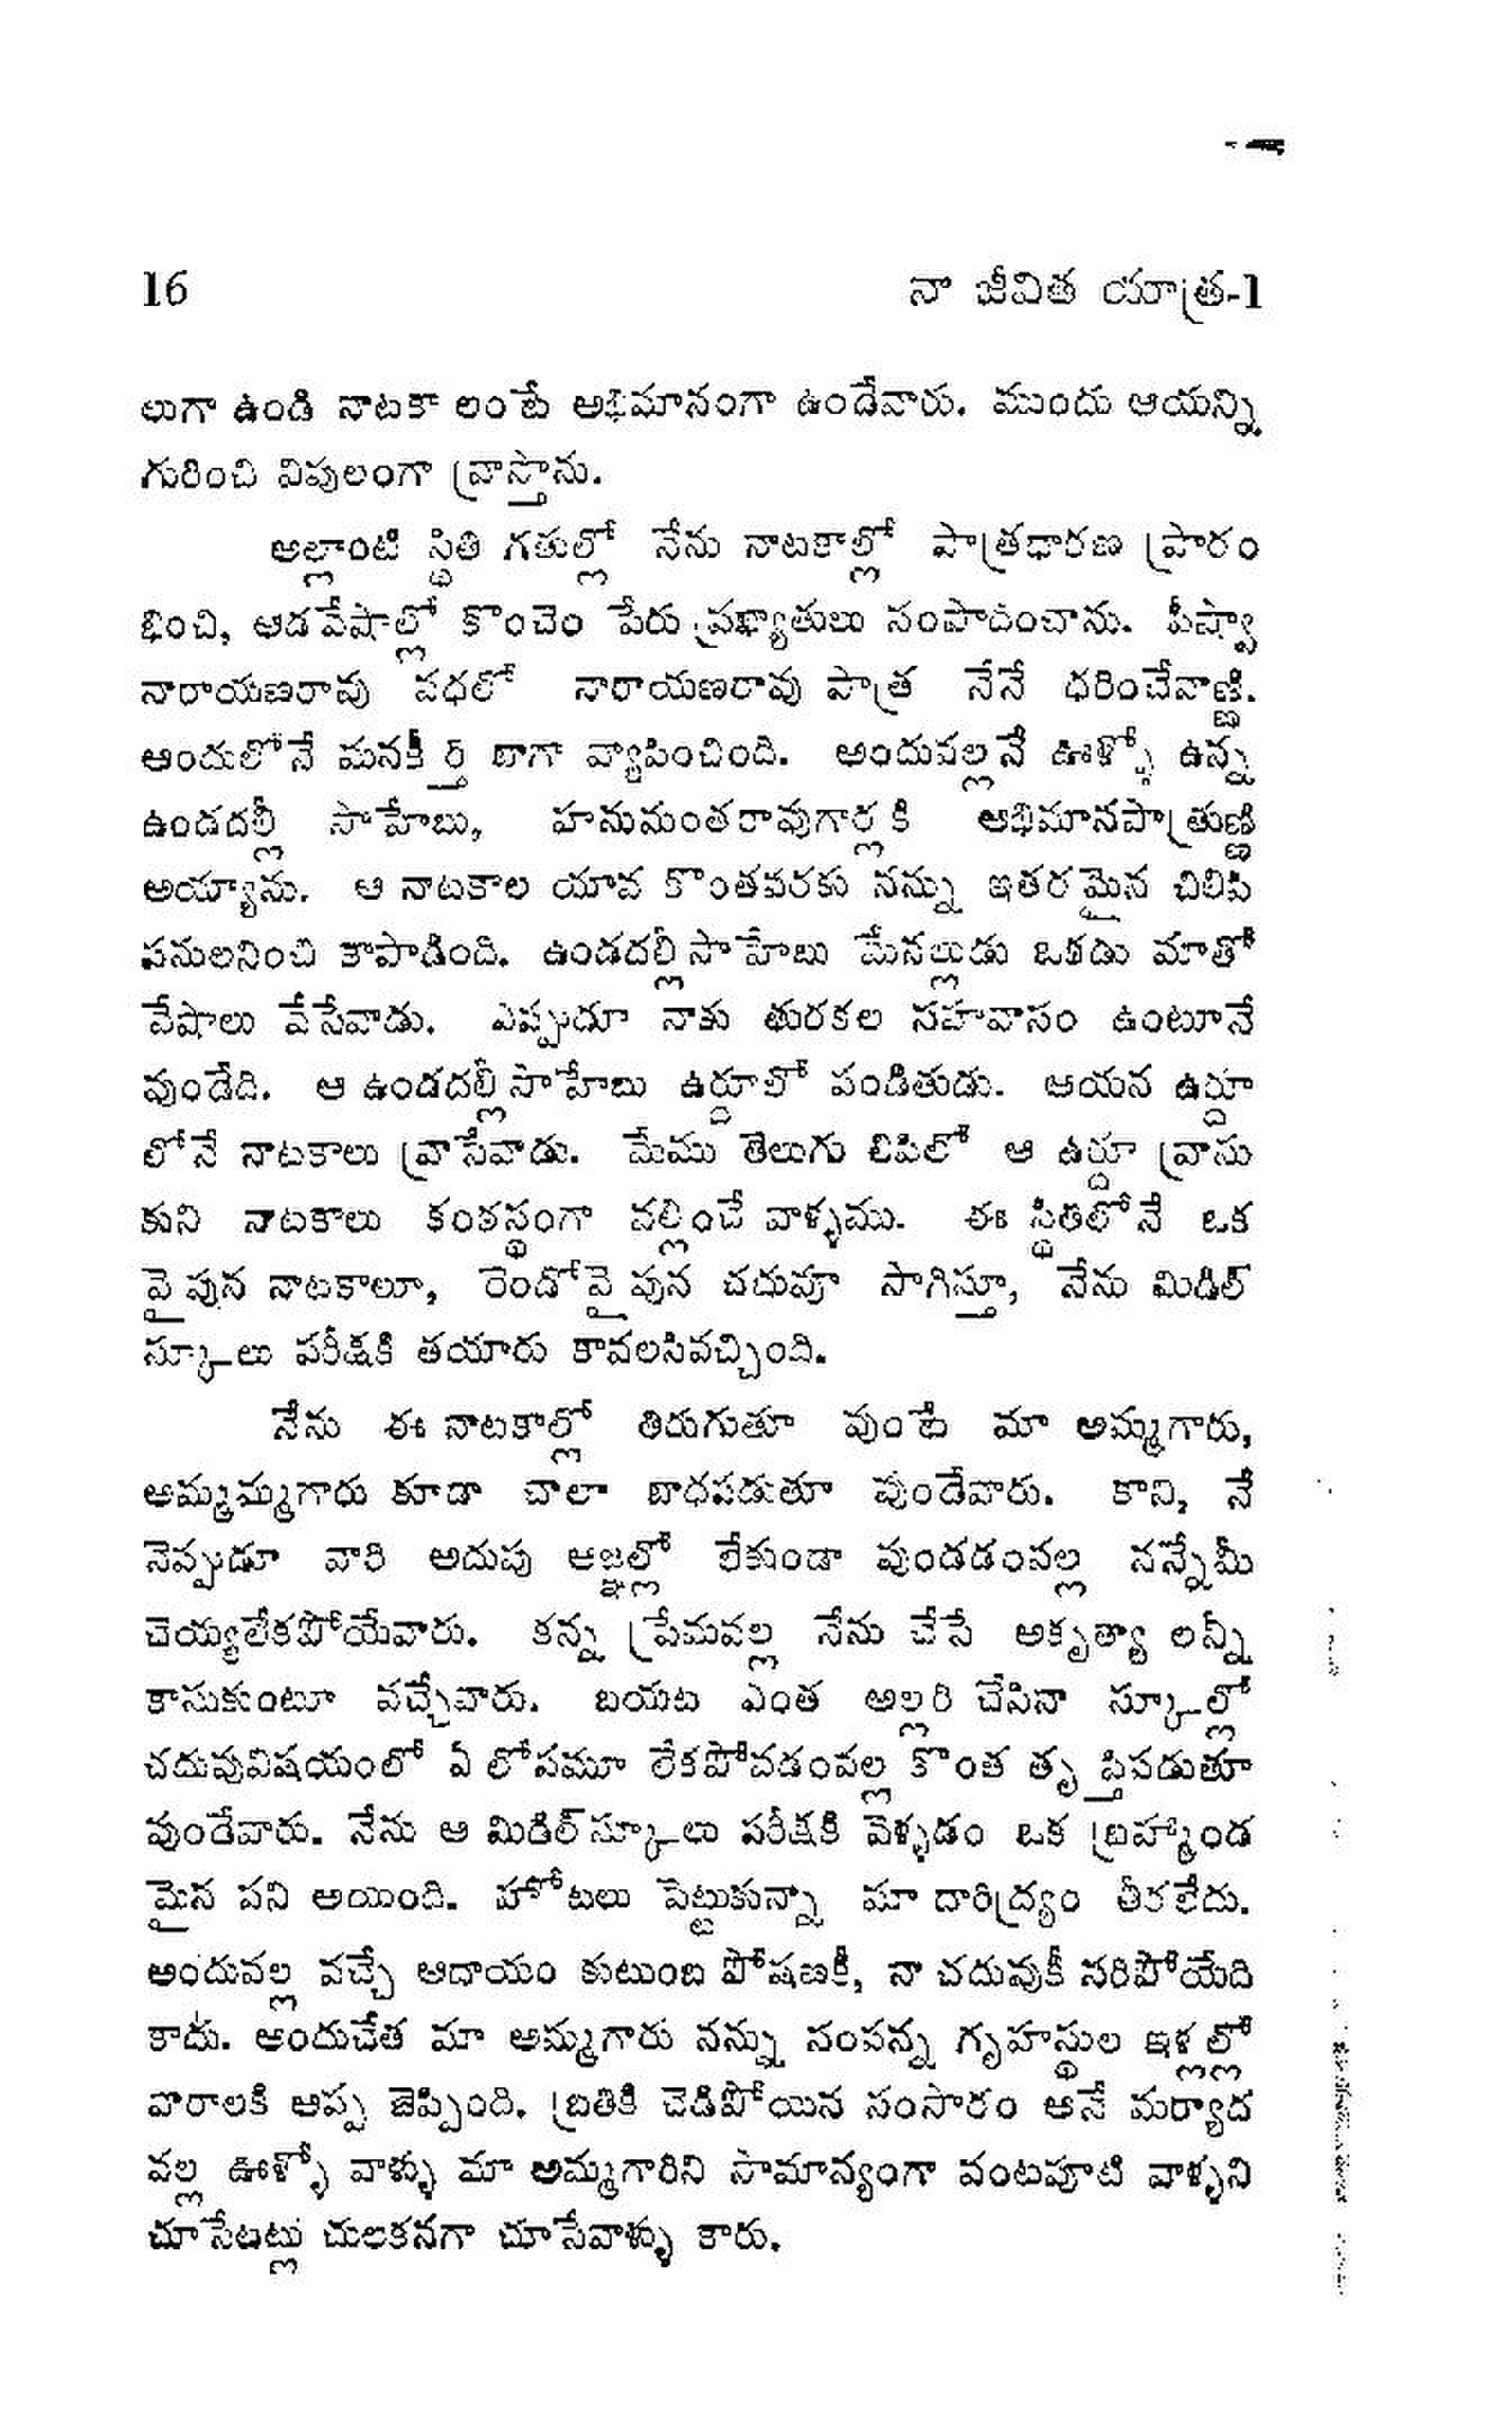లుగా ఉండి నాటకాలంటే అభిమానంగా ఉండేవారు. ముందు ఆయన్ని గురించి విపులంగా వ్రాస్తాను.

అల్లాంటి స్థితిగతుల్లో నేను నాటకాలు పాత్రధారణ ప్రారంభించి, ఆడవేషాల్లో కొంచెం పేరు ప్రఖ్యాతులు సంపాదించాను. పీష్వా నారాయణరావు వధలో నారాయణరావు పాత్రలో నారాయణరావు పాత్ర నేనే ధరించేవాణ్ణి. అందులో మనకీర్తి బాగా వ్యాపించింది. అందువల్లనే ఊళ్ళో ఉన్న ఉండదల్లీ సాహేబు, హనుమంతరావుగార్లకి అభిమానపాత్రుణ్ణి అయ్యాను. ఆ నాటకాల యావ కొంతవరకు నన్ను ఇతరమైన చిలిపి పనులనుండి కాపాడింది. ఉండదల్లీ సాహేబు మేనల్లుడు ఒకడు మాతో వేషాలు వేసేవాడు. ఎప్పుడూ నాకు తురకల సహవాసం ఉంటూనే ఉండేది. ఆ ఉండదల్లీ సాహేబు ఉర్దూలో పండితుడు. ఆయన ఉర్దూలోనే నాటకాలు వ్రాసేవాడు. మేము తెలుగు లిపిలో ఆ ఉర్దూ వ్రాసుకుని నాటకాలు కంఠస్థంగా వల్లించేవాళ్ళము. ఈ స్థితిలోనే ఒకవైపున నాటకాలూ, రెండోవైపున చదువూ సాగిస్తూ, నేను మిడిల్ స్కూలు పరీక్షకి తయారు కావలసివచ్చింది.

నేను ఈ నాటకాల్లో తిరుగుతూ వుంటే మా అమ్మగారు, అమ్మమ్మగారు కూడా చాలా బాధపడుతూ వుండేవారు. కాని, నేనెప్పుడూ వారి అదుపు ఆజ్ఞల్లో లేకుండా వుండడంవల్ల నన్నేమీ చెయ్యలేకపొయ్యేవారు. కన్న ప్రేమ వల్ల నేను చేసే ఆకృత్యాలన్నీ కాసుకుంటూ వచ్చేవారు. బయట ఎంత అల్లరి చేసినా స్కూల్లో చదువు విషయంలో ఏ లోపమూ లేకపోవడంవల్ల కొంత తృప్తిపడుతూ వుండేవారు. నేను ఆ మిడిల్ స్కూలు పరీక్షకి వెళ్ళడం ఒక బ్రహ్మాండమైన పని అయింది. హోటలు పెట్టుకున్నా మా దారిద్ర్యం తీరలేదు. అందువల్ల వచ్చే ఆదాయం కుటుంబ పోషణకీ, నా చదువుకీ సరిపోయేది కాదు. అందుచేత మా అమ్మగారు నన్ను సంపన్న గృహస్థుల ఇళ్ళల్లో వారాలకి అప్పజెప్పింది. బ్రతికి చెడిపోయిన సంసారం అనే మర్యాద వల్ల ఊళ్ళో వాళ్ళు మా అమ్మగారిని సామాన్యంగా వంటపూటి వాళ్ళని చూసేటట్లు చులకనగా చూసేవాళ్ళు కారు.